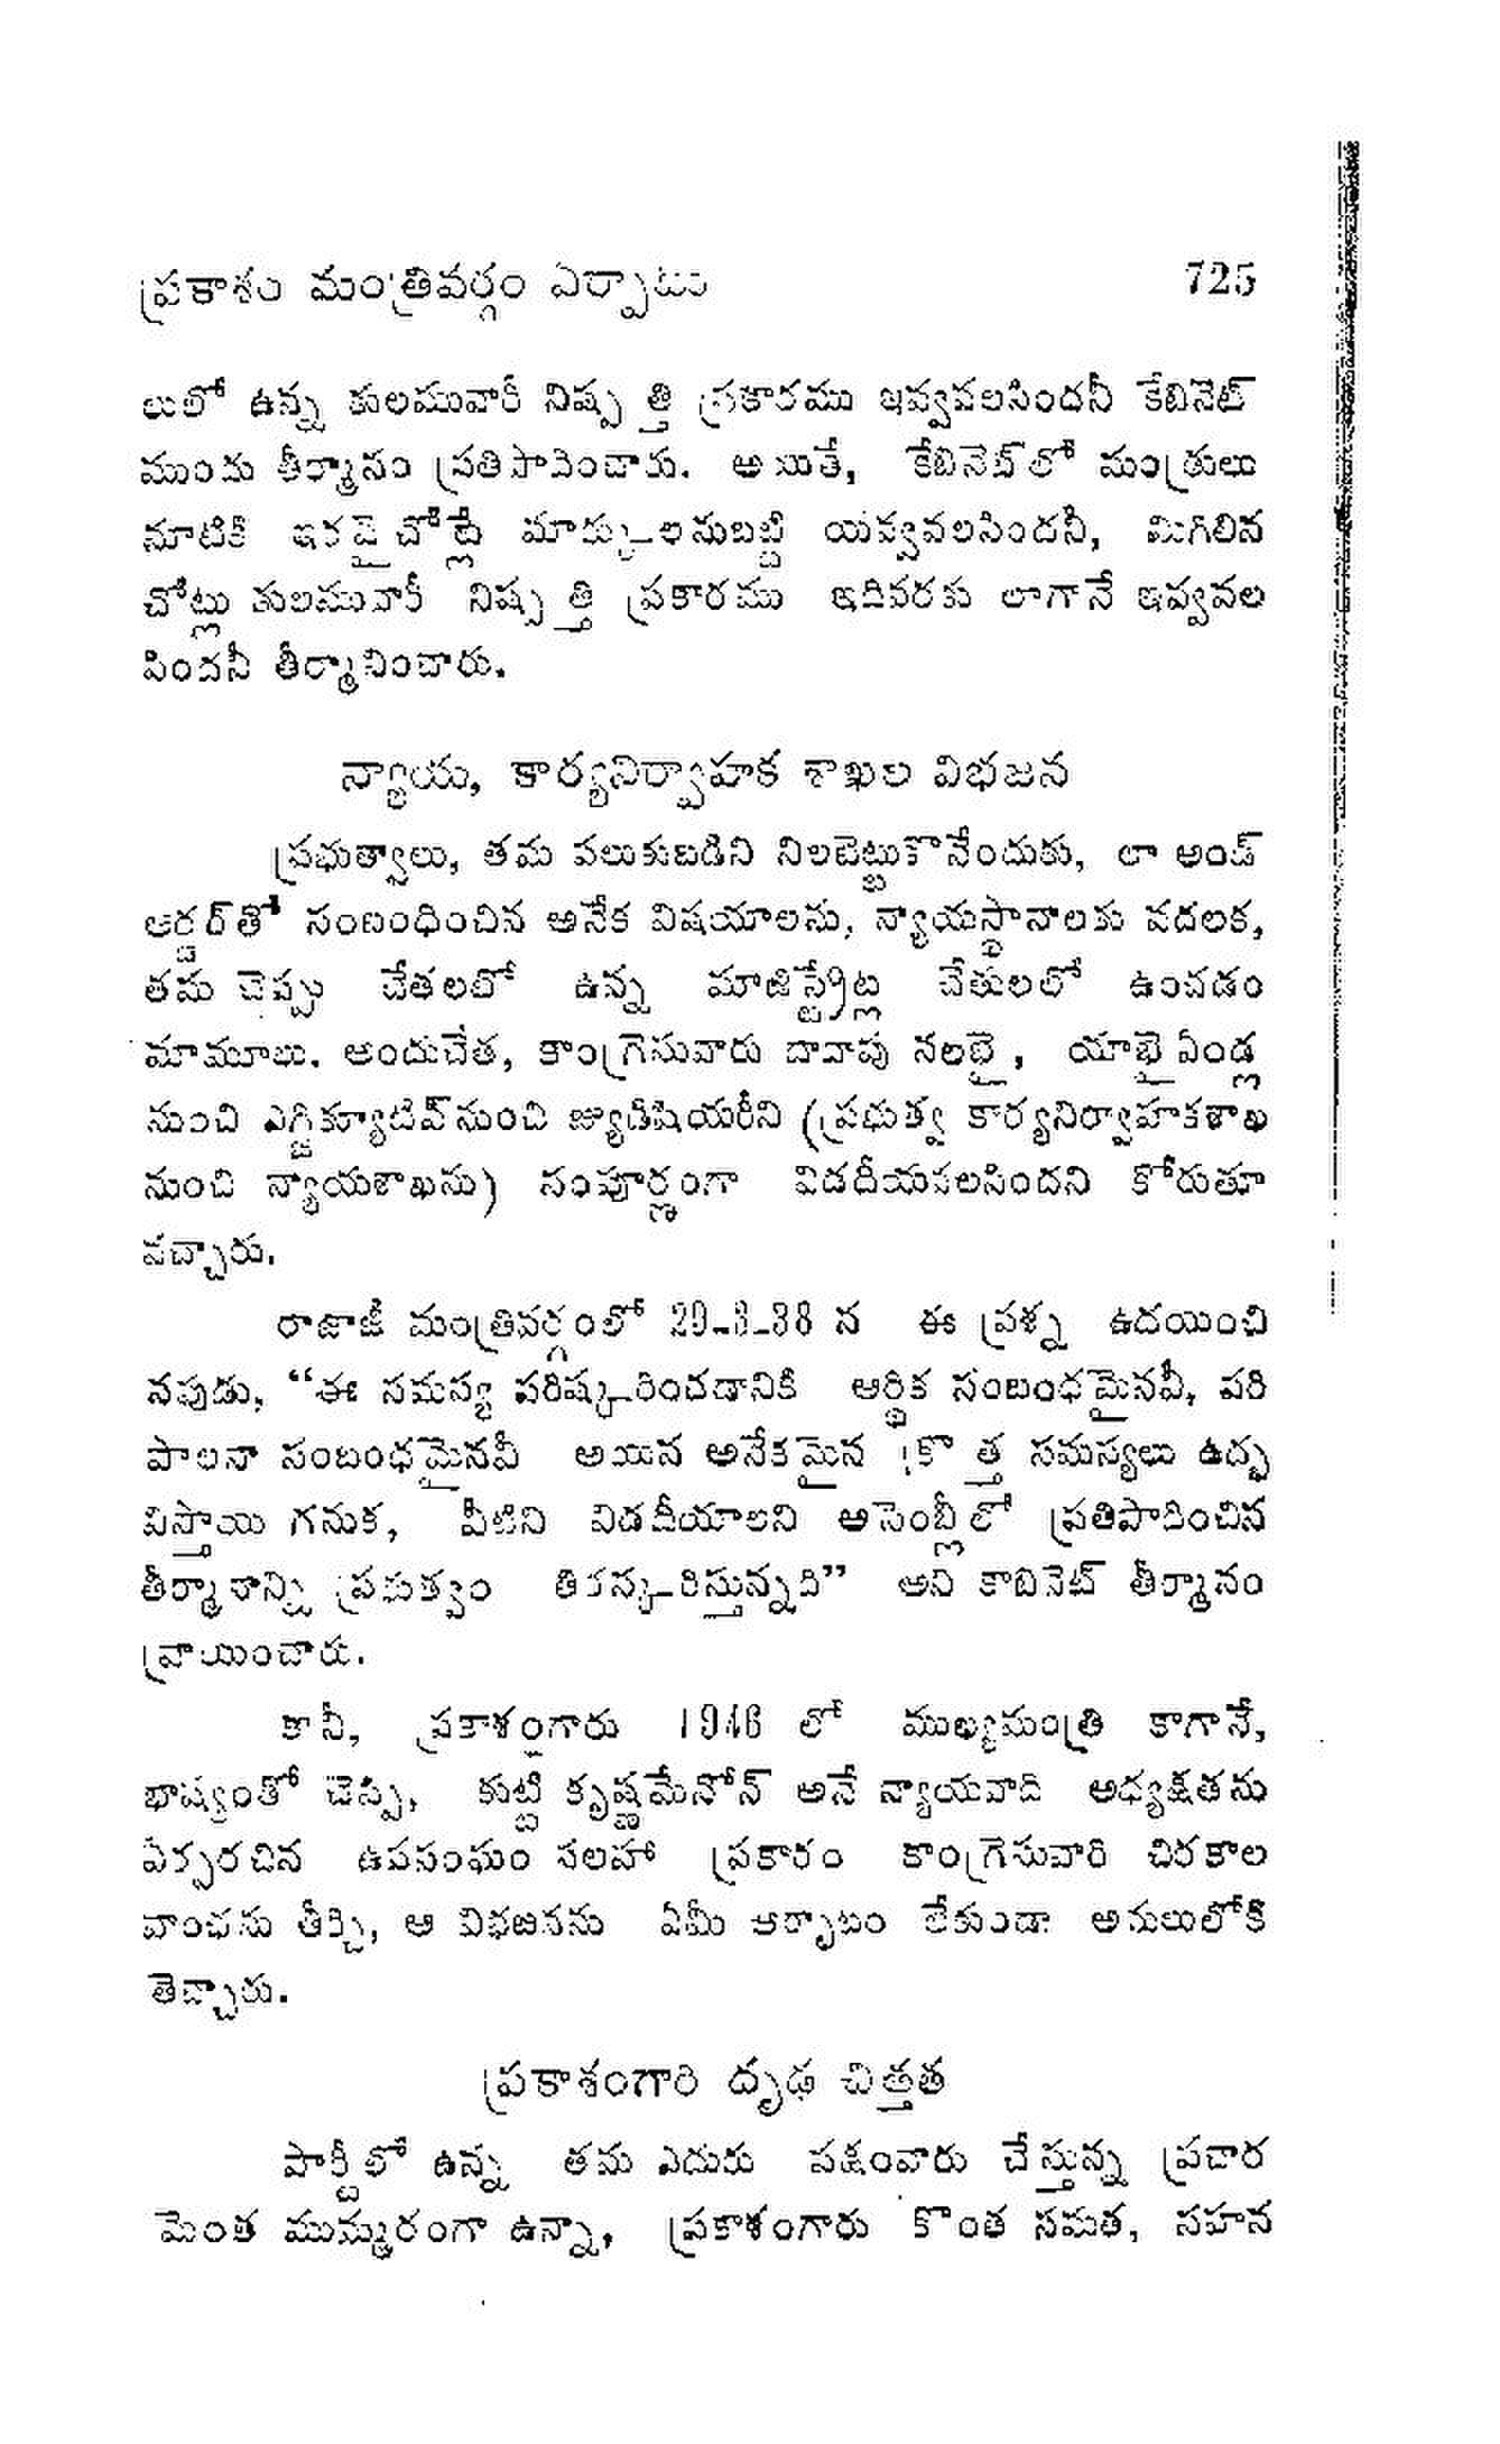లులో ఉన్న కులమువారీ నిష్పత్తి ప్రకారము ఇవ్వవలసిందనీ కేబినెట్ ముందు తీర్మానం ప్రతిపాదించారు. అయితే, కేబినెట్‌లో మంత్రులు నూటికి ఇరవైచోట్లే మార్కులనుబట్టి యివ్వవలసిందనీ, మిగిలినచోట్లు కులమువారీ నిష్పత్తి ప్రకారము ఇదివరకు లాగానే ఇవ్వవలసిందనీ తీర్మానించారు.

ప్రభుత్వాలు, తమ పలుకుబడిని నిలబెట్టుకొనేందుకు, లా అండ్ ఆర్డర్‌తో సంబంధించిన అనేక విషయాలను, న్యాయస్థానాలకు వదలక, తమ చెప్పు చేతలలో ఉన్న మాజిస్ట్రేట్ల చేతులలో ఉంచడం మామూలు. అందుచేత, కాంగ్రెసువారు దాదాపు నలభై, యాభైఏండ్ల నుంచి ఎగ్జిక్యూటివ్‌నుంచి జ్యుడిషియరీని (ప్రభుత్వ కార్యనిర్వాహకశాఖ నుంచి న్యాయశాఖను) సంపూర్ణంగా విడదీయవలసిందని కోరుతూ వచ్చారు. 

రాజాజీ మంత్రివర్గంలో 20-3-38 న ఈ ప్రశ్న ఉదయించినపుడు, "ఈ సమస్య పరిష్కరించడానికి ఆర్థిక సంబంధమైనవీ, పరిపాలనా సంబంధమైనవీ అయిన అనేకమైన క్రొత్త సమస్యలు ఉద్బవిస్తాయి గనుక, వీటిని విడదీయాలని అసెంబ్లీలో ప్రతిపాదించిన తీర్మానాన్ని ప్రభుత్వం తిరస్కరిస్తున్నది" అని కాబినెట్ తీర్మానం వ్రాయించారు.

కానీ, ప్రకాశంగారు 1946 లో ముఖ్యమంత్రి కాగానే, భాష్యంతో చెప్పి, కుట్టి కృష్ణమేనోన్ అనే న్యాయవాది అధ్యక్షతను ఏర్పరచిన ఉపసంఘం సలహా ప్రకారం కాంగ్రెసువారి చిరకాల వాంఛను తీర్చి, ఆ విభజనను ఏమీ ఆర్భాటం లేకుండా అమలులోకి తెచ్చారు.

పార్టీలో ఉన్న తమ ఎదురు పక్షంవారు చేస్తున్న ప్రచారమెంత ముమ్మరంగా ఉన్నా, ప్రకాశంగారు కొంత సమత, సహన